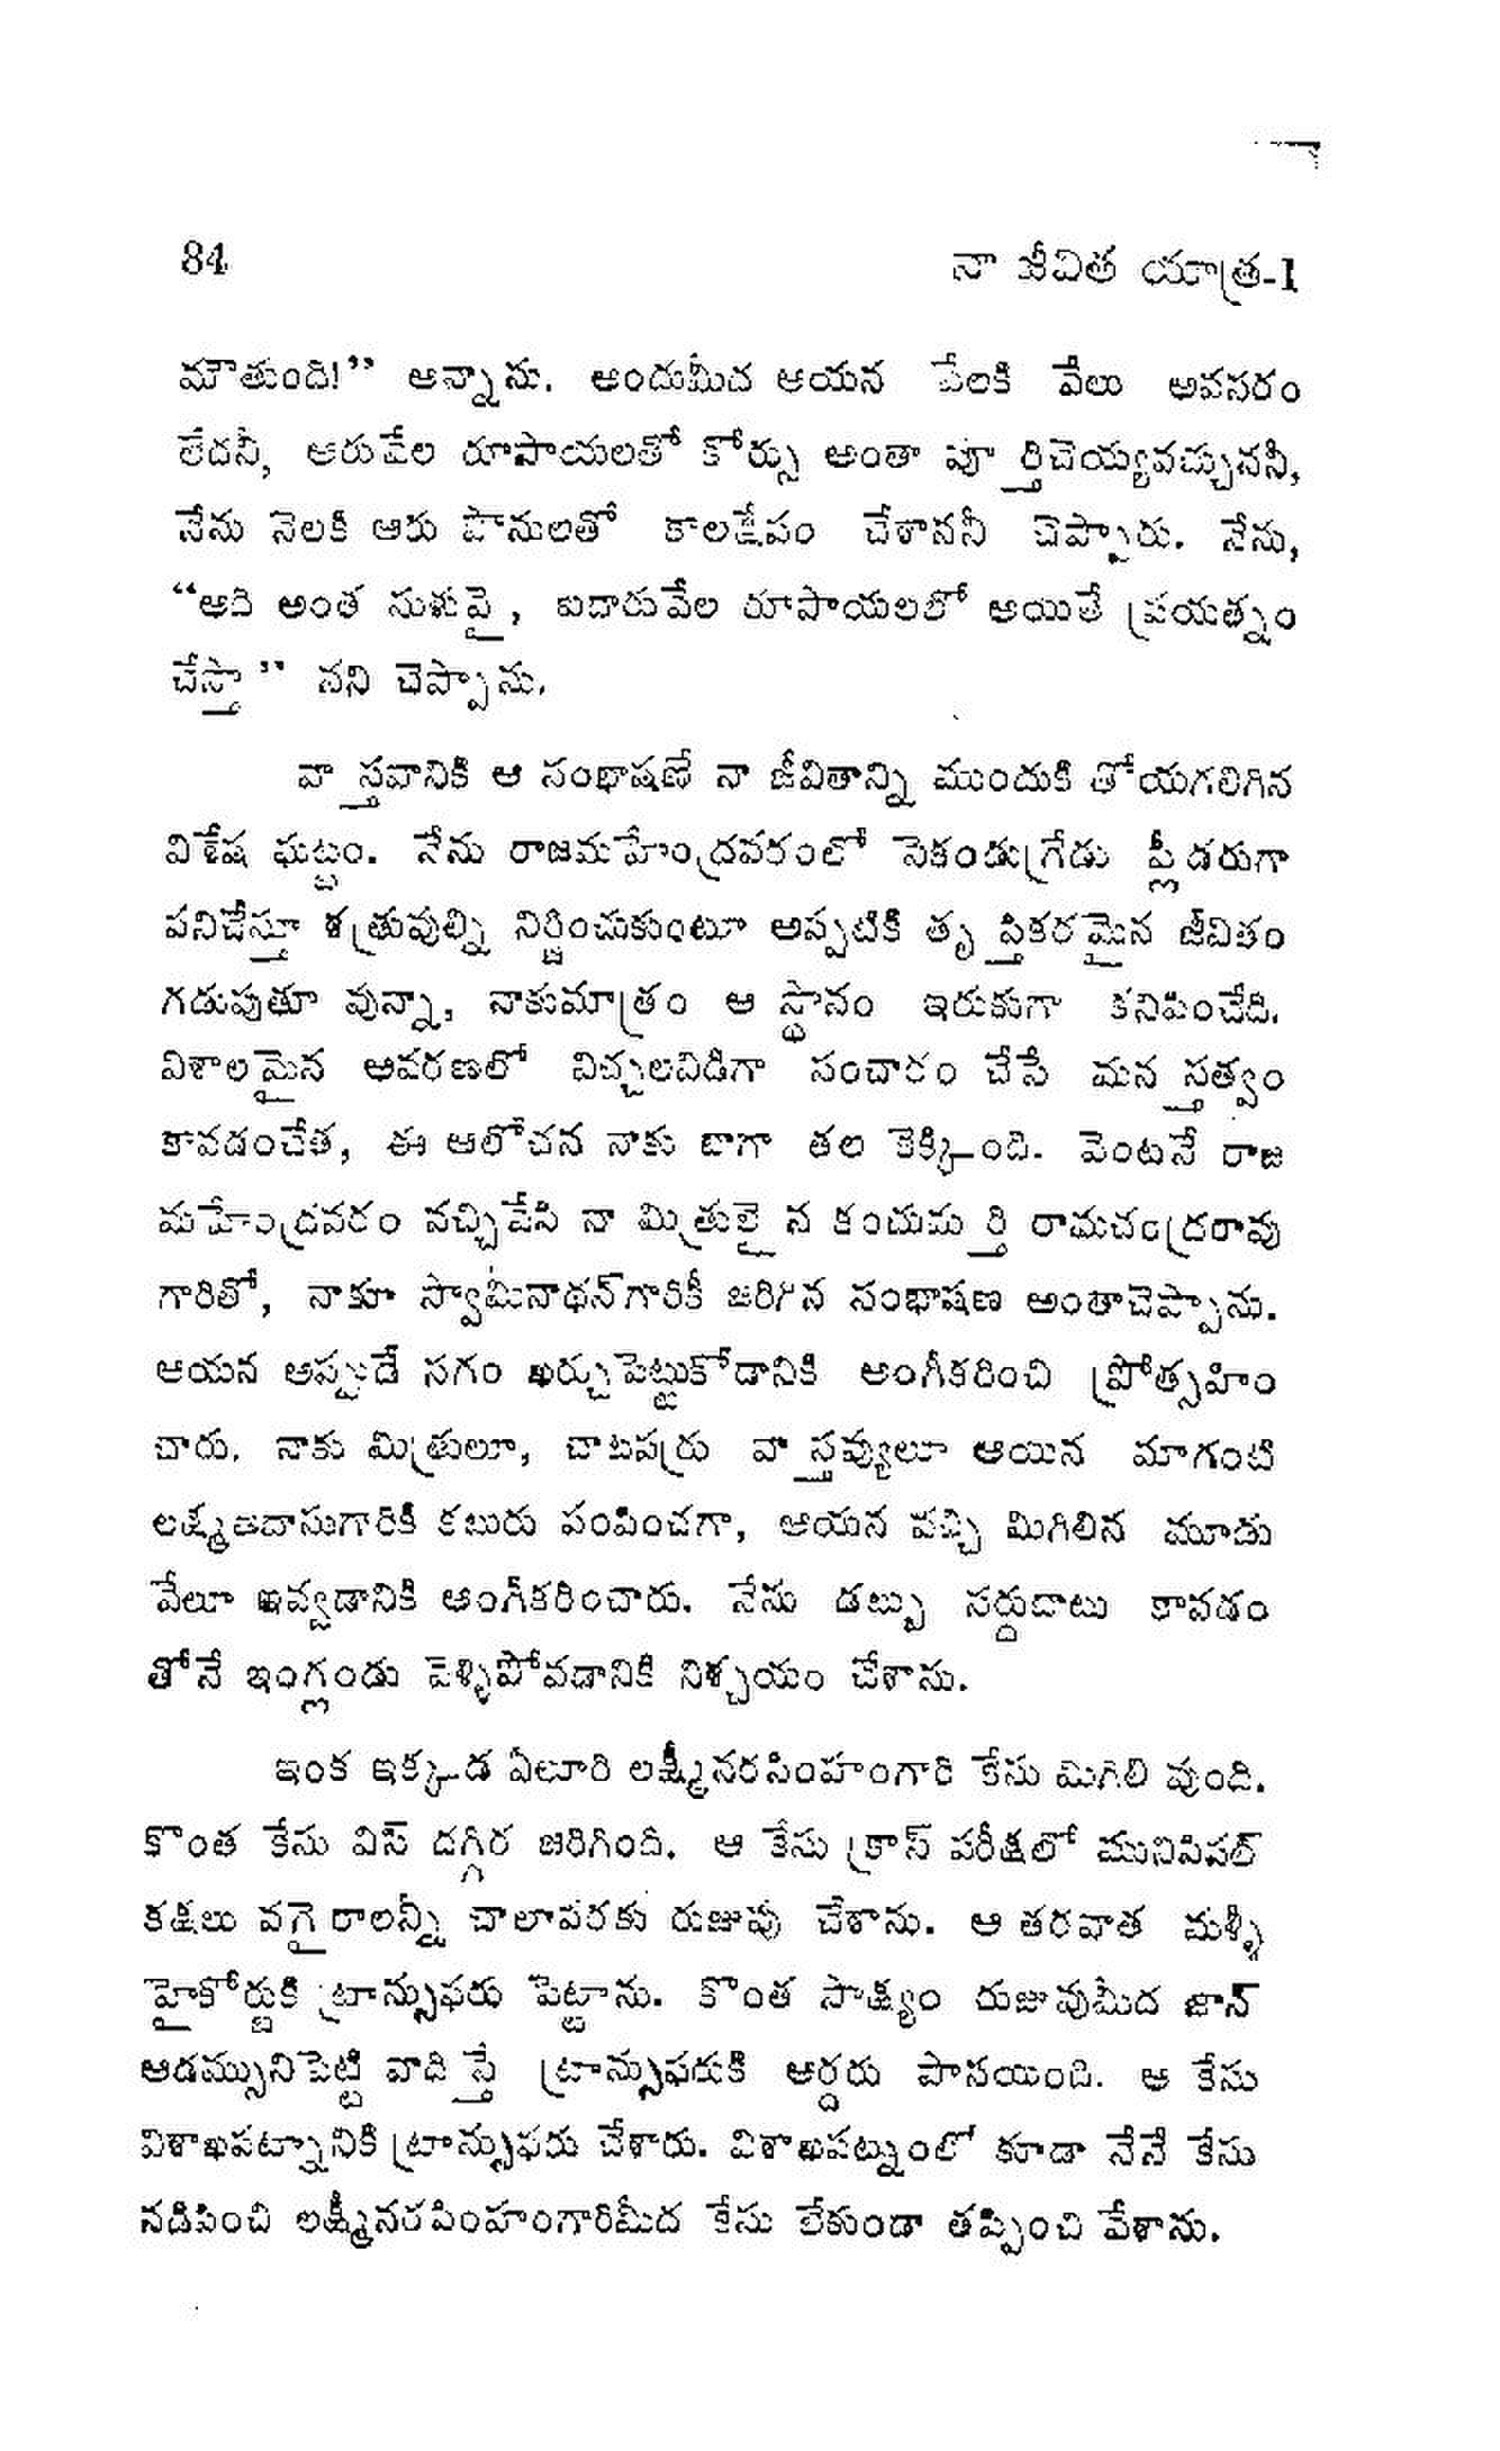మౌతుంది!" అన్నాను. అందుమీద ఆయన వేలకి వేలు అవసరం లేదనీ, ఆరువేల రూపాయలతో కోర్సు అంతా పూర్తిచెయ్యవచ్చుననీ, నేను నెలకి ఆరు పౌనులతో కాలక్షేపం చేశాననీ చెప్పారు. నేను, "అది అంత సుళువై, ఐదారువేల రూపాయలలో అయితే ప్రయత్నం చేస్తా" నని చెప్పాను.

వాస్తవానికి ఆ సంభాషణే నా జీవితాన్ని ముందుకి తోయగలిగిన విశేష ఘట్టం. నేను రాజమహేంద్రవరంలో సెకండుగ్రేడు ప్లీడరుగా పనిచేస్తూ శత్రువుల్ని నిర్జించుకుంటూ అప్పటికి తృప్తికరమైన జీవితం గడుపుతూ వున్నా, నాకుమాత్రం ఆ స్థానం ఇరుకుగా కనిపించేది. విశాలమైన ఆవరణలో విచ్చలవిడిగా సంచారం చేసే మనస్తత్వం కావడంచేత, ఈ ఆలోచన నాకు బాగా తల కెక్కింది. వెంటనే రాజమహేంద్రవరం వచ్చివేసి నా మిత్రులైన కంచుమర్తి రామచంద్రరావు గారితో, నాకూ స్వామినాథన్‌గారికీ జరిగిన సంభాషణ అంతాచెప్పాను. ఆయన అప్పుడే సగం ఖర్చుపెట్టుకోడానికి అంగీకరించి ప్రోత్సహించారు. నాకు మిత్రులూ, చాటపర్రు వాస్తవ్యులూ అయిన మాగంటి లక్ష్మణదాసుగారికి కబురు పంపించగా, ఆయన వచ్చి మిగిలిన మూడువేలూ ఇవ్వడానికి అంగీకరించారు. నేను డబ్బు సర్దుబాటు కావడంతోనే ఇంగ్లండు వెళ్ళిపోవడానికి నిశ్చయం చేశాను.

ఇంక ఇక్కడ ఏలూరి లక్ష్మీనరసింహంగారి కేసు మిగిలి వుంది. కొంత కేసు విస్ దగ్గిర జరిగింది. ఆ కేసు క్రాస్ పరీక్షలో మునిసిపల్ కక్షలు వగైరాలన్నీ చాలావరకు రుజువు చేశాను. అ తరవార మళ్ళీ హైకోర్టుకి ట్రాన్సుఫరు పెట్టాను. కొంత సాక్ష్యం రుజువుమీద జాన్ ఆడమ్సునిపెట్టి వాదిస్తే ట్రాన్సుఫరుకి ఆర్డరు పాసయింది. ఆ కేసు విశాఖపట్నానికి ట్రాన్సుఫరు చేశారు. విశాఖపట్నంలో కూడా నేనే కేసు నడిపించి లక్ష్మీనరసింహం గారిమీద కేసు లేకుండా తప్పించి వేశాను.